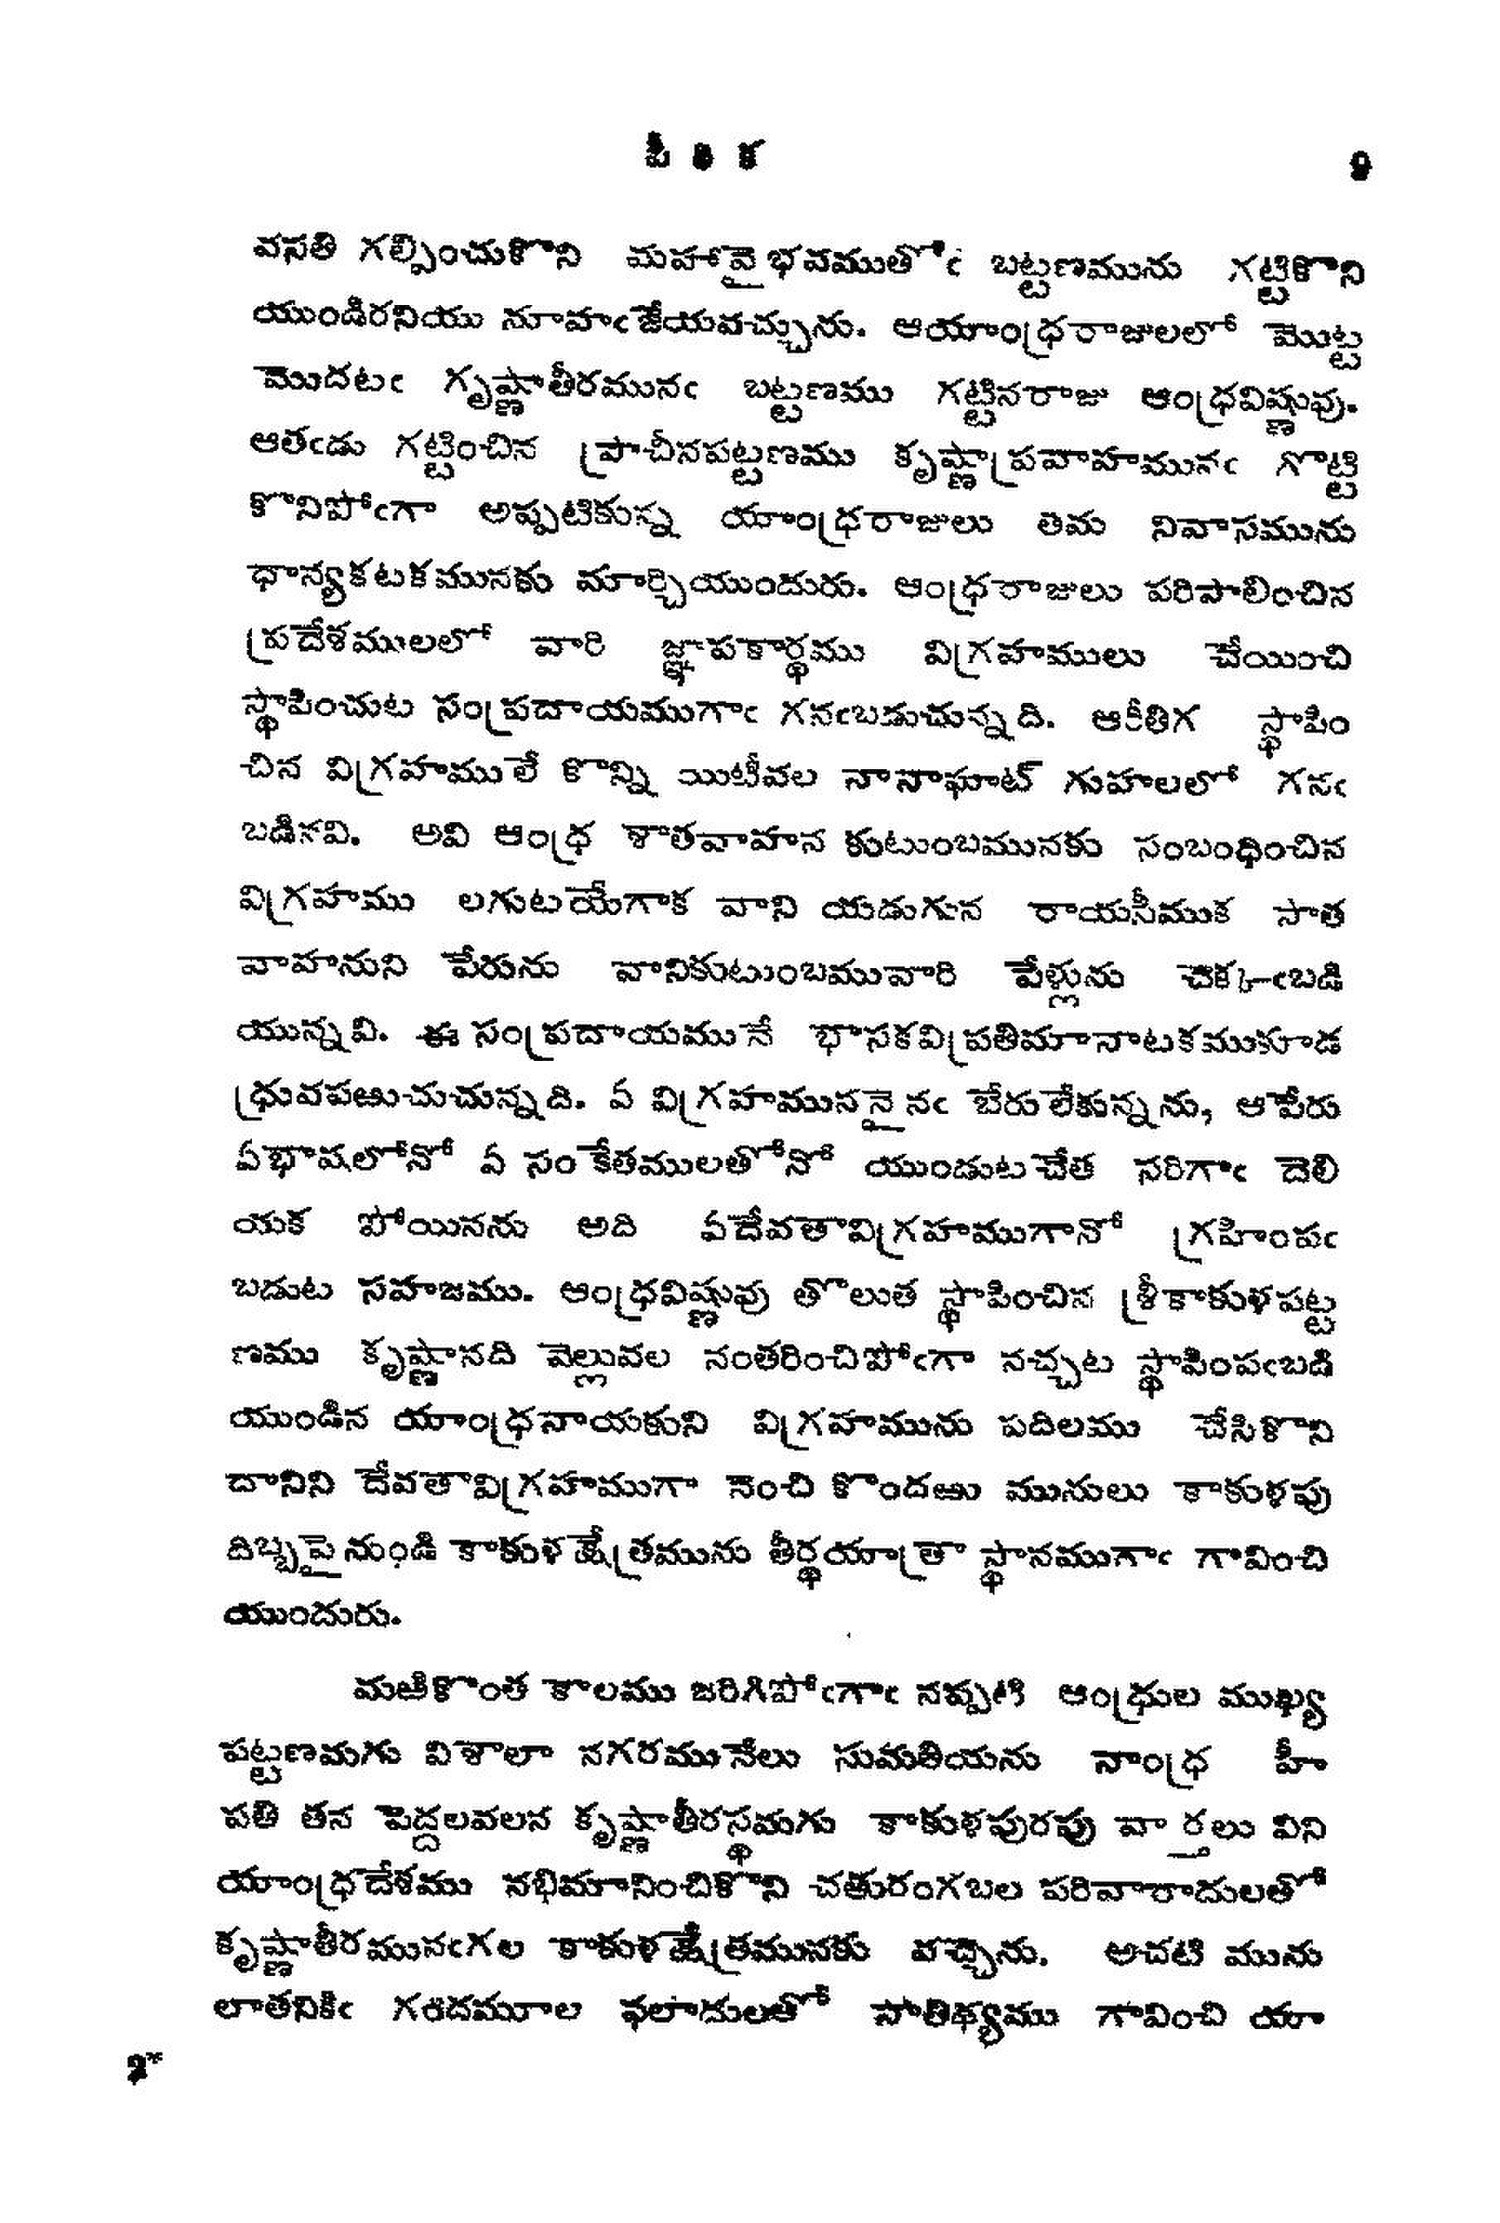వసతి గల్పించుకొని మహావైభవముతోఁ బట్టణమును గట్టికొని యుండిరనియు నూహఁజేయవచ్చును. ఆయాంధ్రరాజులలో మొట్టమొదటఁ గృష్ణాతీరమునఁ బట్టణము గట్టిన రాజు ఆంధ్రవిష్ణువు. అతఁడు గట్టించిన ప్రాచీన పట్టణము కృష్ణా ప్రవాహమునఁ గొట్టికొనిపోఁగా అప్పటికున్న యాంధ్రరాజులు తమ నివాసమును ధాన్యకటకమునకు మార్చియుందురు. ఆంధ్రరాజులు పరిపాలించిన ప్రదేశములలో వారి జ్ఞాపకార్థము విగ్రహములు చేయించి స్థాపించుట సంప్రదాయముగాఁ గనఁబడుచున్నది. ఆరీతిగ స్థాపించిన విగ్రహములే కొన్ని యిటీవల నానాఘాట్ గుహలలో గనఁబడినవి. అవి ఆంధ్ర శాతవాహన కుటుంబమునకు సంబంధించినవిగ్రహము లగుటయేగాక వాని యడుగున రాయసీముక సాతవాహనుని పేరును వానికుటుంబము వారి పేళ్లును చెక్కఁబడి యున్నవి. ఈ సంప్రదాయమునే భాసకవి ప్రతిమా నాటకముకూడ ధ్రువ పఱుచుచున్నది. ఏ విగ్రహముననైనఁ బేరులేకున్నను, ఆపేరు ఏభాషలోనో ఏ సంకేతములతోనో యుండుట చేత సరిగాఁ దెలియక పోయినను అది ఏదేవతావిగ్రహముగానో గ్రహింపఁబడుట సహజము. ఆంధ్రవిష్ణువు తొలుత స్థాపించిన శ్రీకాకుళపట్ట
ణము కృష్ణానది వెల్లువల నంతరించిపోఁగా నచ్చట స్థాపింపఁబడి యుండిన యాంధ్రనాయకుని విగ్రహమును పదిలము చేసికొని దానిని దేవతావిగ్రహముగా నెంచి కొందఱు మునులు కాకుళపు దిబ్బపై నుండి కాకుళ క్షేత్రమును తీర్థయాత్రా స్థానముగాఁ గావించి యుందురు.

మఱికొంత కాలము జరిగిపోఁగాఁ నప్పటి ఆంధ్రుల ముఖ్య పట్టణమగు విశాలా నగరమునేలు సుమతియను నాంధ్ర హీ
పతి తన పెద్దలవలన కృష్ణాతీరసమగు కాకుళపురపు వార్తలు విని యాంధ్రదేశము నభిమానించికొని చతురంగబల పరివారాదులతో కృష్ణాతీరమునఁగల కాకుళ క్షేత్రమునకు వచ్చెను. అచటి మునులాతనికిఁ గందమూల ఫలాదులతో సాతిథ్యము గావించి యా